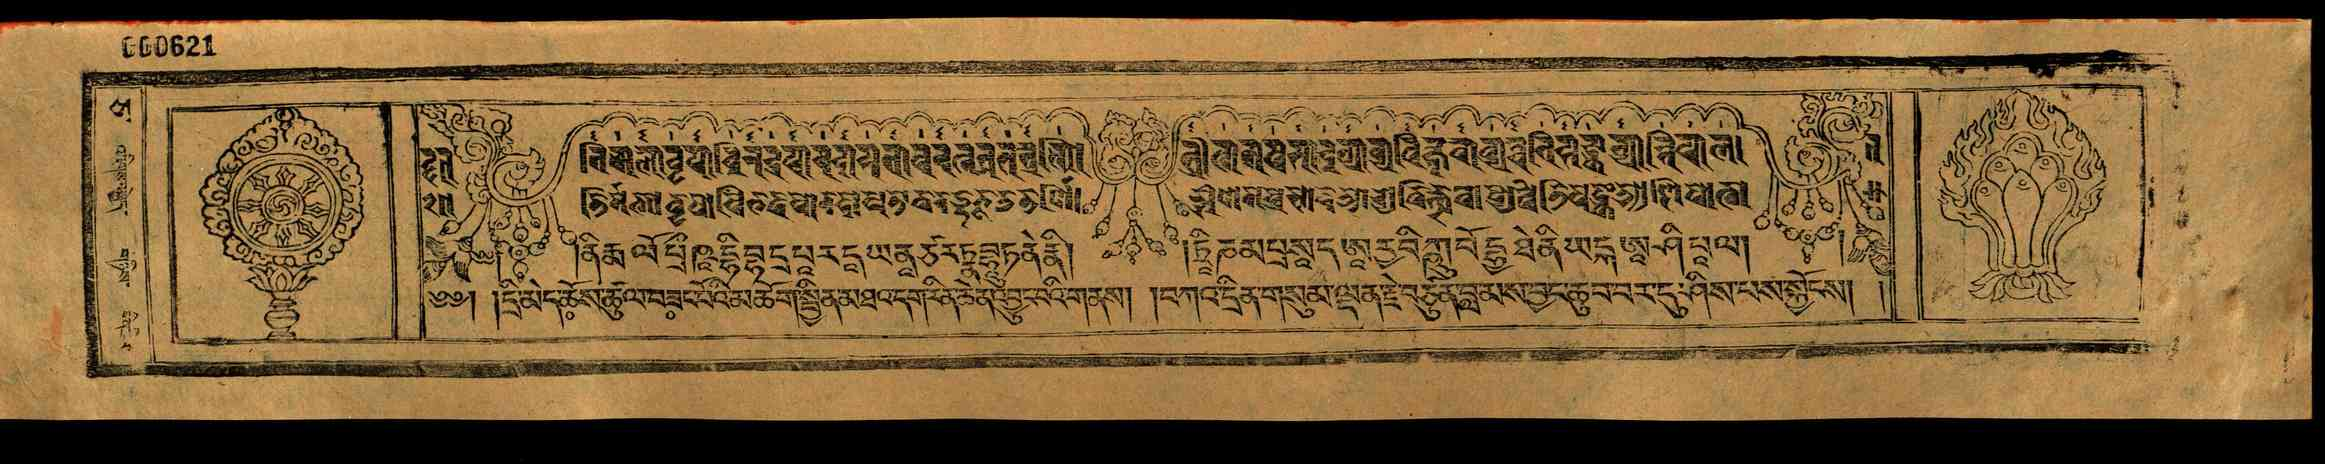་ལས
ལས
༄༅། །ནིརྨ་ལོ་བྲྀ་ཥཱ་དྷཾ་བྷ་དྲ་པཱ་ར་དཱ་ཡ་ནཱ་ཙ་རཏྣ་བྷཱུ་ཏ་ནེ་རྣི། །ཏྲཱི་ཎམ་པྲ་སཱ་ད་ཨཱརྱ་བི་ཀྵྲུ་བོ་དྷྱ་ཐེ་ནི་ཡངྐ་ཨཱ་ཤི་པཱ་ལ།
༄༅། །དྲི་མེད་ཆོས྾་ཚུལ་བཟང྾་པོའི་མཆོག་སྦྱིན་མཐའ་དག་རིན་ཆེན་འབྱུང་བའི་གནས། །བཀའ་དྲིན་གསུམ་ལྡན་རྗེ་བཙུན་བླ་མས་བྱང་ཆུབ་བར་དུ་ཤིས་པས་སྐྱོངས། །